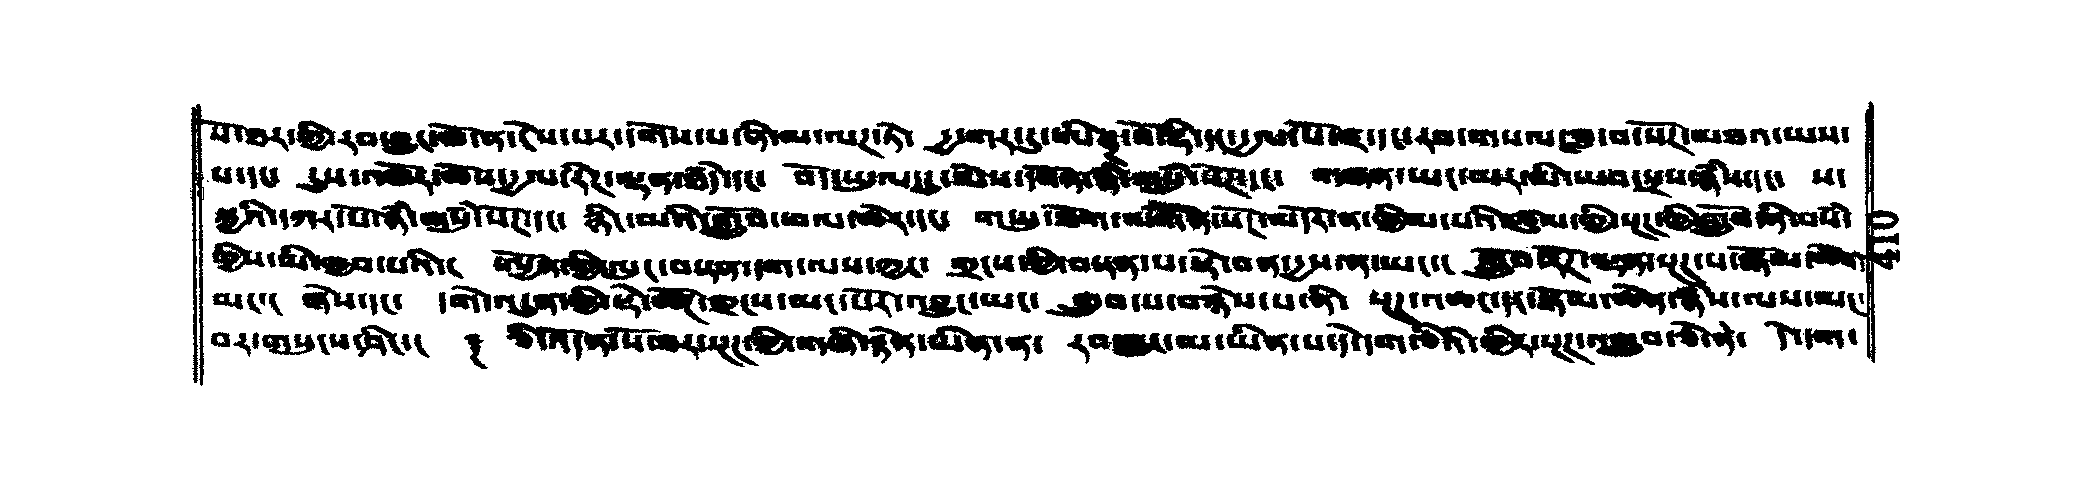སོ་ཐར་གྱི་རབ་བྱུང་ཁོ་ན་ངེས་པར་དགོས་པ་ནི་མ་ལགས་ཏེ། རྒྱ་གར་དུ་ཨིནྡྲ་བྷོ་དྷི་དང་རྒྱལ་པོ་ཛཿདང་རབ་གསལ་ཟླ་བ་སོགས་མཐའ་ཡས་
པ་དང་། དུས་འཁོར་ཆོས་རྒྱལ་རིགས་ལྡན་ཐམས་ཅད་དང་། བོད་ཡུལ་དུ་མེས་དབོན་རྣམ་གསུམ་སོགས་དང་། གཞན་ཡང་མར་མི་ཡབ་སྲས་རྣམས་དང་། ས་
སྐྱའི་དཀར་པོ་རྣམ་གསུམ་སོགས་དང་། རྙིང་མའི་གྲུབ་ཐོབ་ཕལ་ཆེར་དང་། གཡུ་ཐོག་མགོན་པོ་སོགས་མདོར་ན་ཁྱིམ་པའི་ཚུལ་གྱི་སྔགས་ཀྱི་གྲུབ་ཐོབ་ནི་བསམ་
གྱིས་མི་ཁྱབ་པས། ཨོ་རྒྱན་གྱི་ལུང་བསྟན་དག་ལས་ཀྱང་། གྲངས་ཀྱི་བསྟན་པ་སྟེ་བན་རྒྱས་ན་ཡང་། །གྲུབ་ཐོབ་རྟོགས་ལྡན་སྔགས་པ་སྒོམ་ཆེན་
མང་། ཞེས་དང་། དགེ་འདུན་གྱི་སྡེ་ཚོགས་གྲངས་མང་པོར་འབྱུང་ཡང་། གྲུབ་པ་བརྙེས་པ་ནི། སྔགས་འཆང་དང་སྒོམ་ཆེན་རྣམས་ལས་མང་
བར་གསུངས་ཤིང་། ཅི་འོ་ན་སོ་ཐར་སྔགས་ཀྱི་གཞི་རྟེན་ཡིན་ན། རབ་བྱུང་མ་ཡིན་པ་དེ་དག་ཅིའི་ཕྱིར་སྔགས་འགྲུབ་ཅེ་ན། དེ་དག་